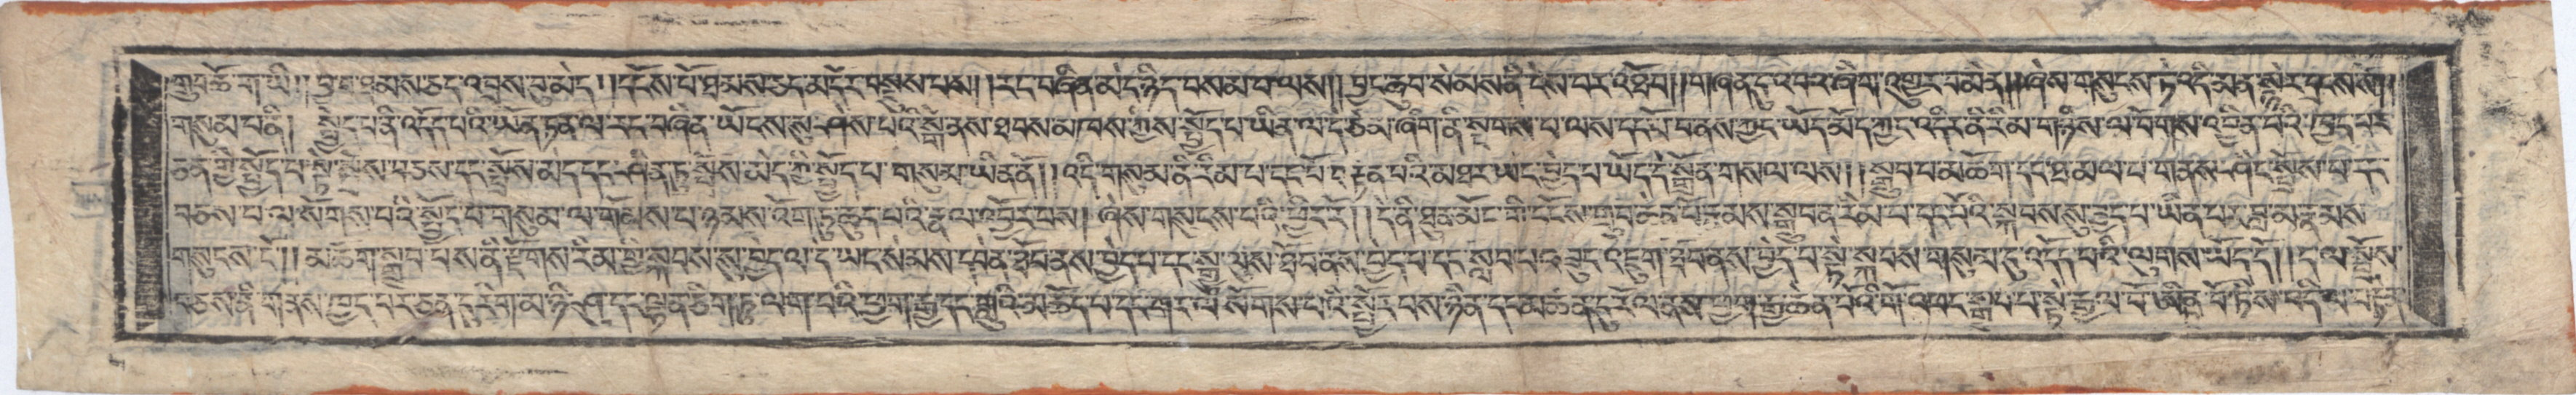གྲུབ་ཆོ་ག་ཡི། །བྱ་བ་ཐམས་ཅད་འབྲས་བུ་མེད། །དངོས་པོ་ཐམས་ཅད་མདོར་བསྡུས་པས། །རང་བཞིན་མེད་ཉིད་བསམ་པ་ལས། །བྱང་ཆུབ་སེམས་ནི་ངེས་པར་འཐོབ། །གཞན་དུ་འབའ་ཞིག་འགྱུར་བ་མིན། །ཞེས་གསུངས་ཏེ་འདི་མན་སྙེར་དྲངས་སོ།།
གསུམ་པ་ནི། སྤྱོད་པ་ནི་འདོད་པའི་ཡོན་ཏན་ལ་རང་བཞིན་ཡོངས་སུ་ཤེས་པའི་སྒོ་ནས་ཐབས་མཁས་ཀྱིས་སྤྱོད་པ་ཡིན་ལ་དེ་ཙམ་ཞིག་ནི་སྔགས་པ་ལས་དང་པོ་བ་ནས་ཀྱང་ཡོད་མོད་ཀྱང་འདིར་ནི་རིམ་གཉིས་ལ་བོགས་འབྱིན་པའི་ཁྱད་པར་
ཅན་གྱི་སྤྱོད་པ་སྟེ་སྤྲོས་བཅས་དང་སྤྲོས་མེད་དང་ཤིན་ཏུ་སྤྲོས་མེད་ཀྱི་སྤྱོད་པ་གསུམ་ཡིན་ནོ། །འདི་གསུམ་ནི་རིམ་པ་དང་པོ་བརྟེན་པའི་མཐར་ཡང་བྱེད་པ་ཡོད་དེ་སྒྲོན་གསལ་ལས། །སྒྲུབ་པ་མཆོག་དང་ཐ་མལ་པ་གནས་ཤིང་སྤྲོས་པ་དང་
བཅས་པ་ལ་སོགས་པའི་སྤྱོད་པ་གསུམ་ལ་གོམས་པ་ཉམས་འོག་ཏུ་ཆུད་པའི་རྣལ་འབྱོར་པས། ཞེས་གསུངས་པའི་ཕྱིར་རོ། །དེ་ནི་ཐུན་མོང་གི་དངོས་གྲུབ་ཆེན་པོ་རྣམས་སྒྲུབ་ན་རིམ་པ་དང་པོའི་སྐབས་སུ་བྱད་པ་ཡིན་པར་བླ་མ་རྣམས་
གསུངས་ངོ། །མཆོག་སྒྲུབ་པས་ནི་རྫོགས་རིམ་གྱི་སྐབས་སུ་བྱེད་ལ་དེ་ཡང་སེམས་དབེན་ཐོབ་ནས་བྱེད་པ་དང་སྒྱུ་ལུས་ཐོབ་ནས་བྱེད་པ་དང་སློབ་པའི་ཟུང་འཇུག་ཐོབ་ནས་བྱེད་པ་སྟེ་སྐབས་གསུམ་དུ་འདོད་པའི་ལུགས་ཡོད་དོ། །དེ་ལ་སྤྲོས་
བཅས་ནི་གནས་ཁྱད་པར་ཅན་དུ་རིག་མ་ཉི་ཤུ་དང་ལྷན་ཅིག་ཏུ་ལག་པའི་ཕྱག་རྒྱ་དང་གླུའི་མཆོད་པ་དང་གར་ལམ་སོགས་པའི་སྦྱོར་པས་ཉིན་དང་མཚན་དུ་རོལ་ནས་ཕྱག་རྒྱ་ཆེན་པོའི་གོ་འཕང་སྒྲུབ་པ་སྟེ་རྒྱལ་པོ་ཨིནཱ་བོ་ཏི་ས་འདི་ལ་བརྟེན་